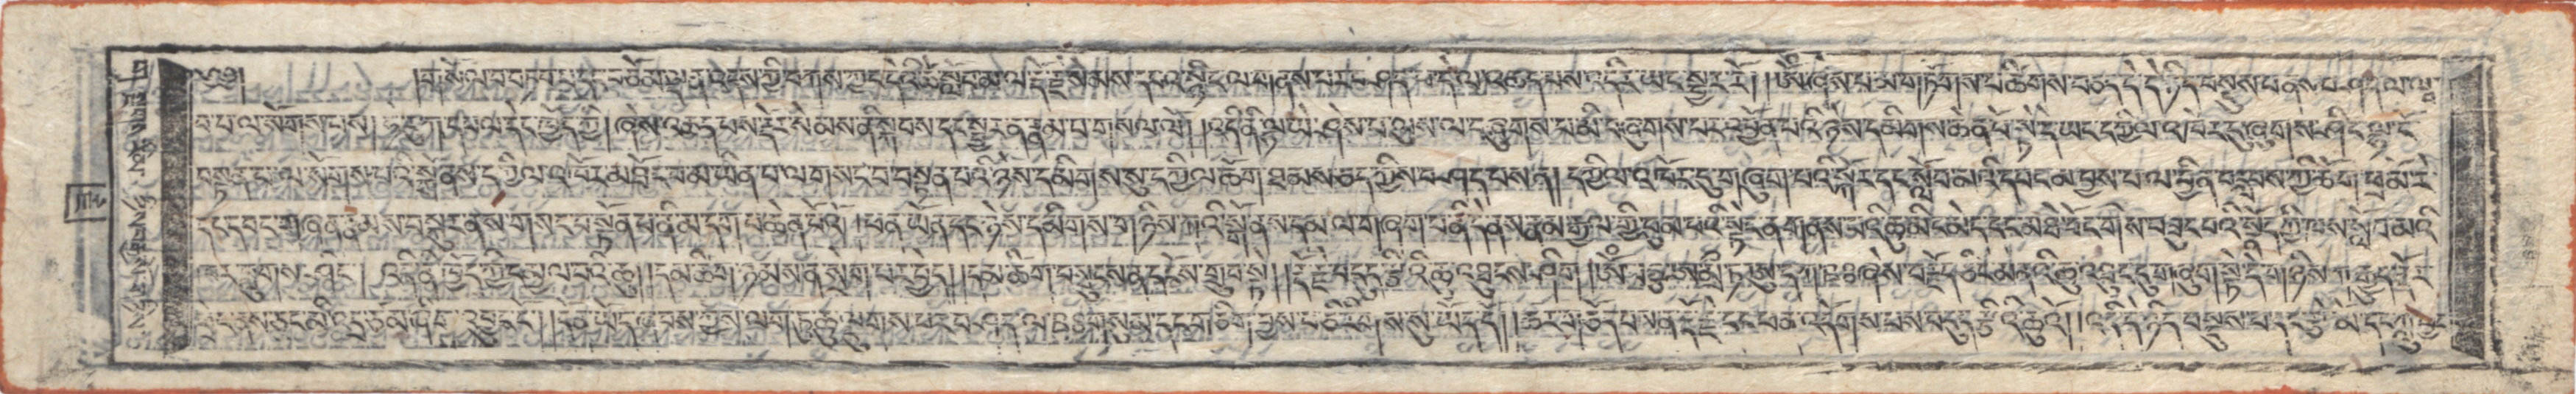༄༅། །གསོལ་བ་བཏབ་པ་དང་བཅོམ་ལྡན་འདས་ཀྱི་བཀས་ཀྱང་དེའི་ཚེ་སློབ་མ་ལ་རྡོ་རྗེ་སེམས་དཔའ་སྙིང་ལ་གནས་པར་བཤད་པ་དེ་ལ་འཆད་པས་འདིར་ཡང་སྦྱར་རོ། །ཨོཾ་ཞེས་པ་མ་གཏོགས་པ་ཚིགས་བཅད་དེ་དེ་ཉིད་བསྡུས་པ་ནས་བཤད་ལ་ལྭ་
བ་པ་ལ་སོགས་པས། ཧེ་རུ་ཀ་དཔལ་དེང་ཁྱོད་ཀྱི། ཞེས་འཆད་པས་རྡོར་སེམས་ནི་སྐབས་དང་སྦྱར་ན་རྣམ་པ་གསལ་ལོ། །འདི་ནི་ལྷ་ཡེ་ཤེས་པ་ལུས་ལ་བཞུགས་པ་མི་བཞུགས་པར་འབྱོན་པའི་ཉེས་དམིགས་ཆེན་པོ་སྟེ་དེ་ཡང་དཀྱིལ་འཁོར་དུ་ཞུགས་ཤིང་ལྷ་ངོ་
བསྟན་པ་ལ་སོགས་པའི་སྒོ་ནས་དཀྱིལ་འཁོར་མཐོང་བ་མ་ཡིན་པ་ལ་གསང་བ་བསྟན་པའི་ཉེས་དམིགས་སུ་དཀྱིལ་ཆོག་ཐམས་ཅད་ཀྱིས་བཤད་པས་ན། དཀྱིལ་འཁོར་དུ་གཞུག་པའི་སྐོར་དང་སློབ་མའི་དབང་མ་བྱས་པ་ལ་བྱིན་བརླབས་ཀྱི་ཆོག་ཕྲ་མོ་རེ་
དང་དབང་གཞན་རྣམས་བསྐུར་ནས་གསང་བ་སྟོན་པ་ནི་མ་དག་པ་ཆེན་པོའོ། །ཕན་ཡོན་དང་ཉེས་དམིགས་གཉིས་ཀའི་སྒོ་ནས་དམ་ལ་གཞག་པ་ནི་དེ་ནས་རྣམ་རྒྱལ་གྱི་བུམ་པའི་སྟེང་ན་གནས་པའི་ཆུ་མིང་མེད་དང་མཐེ་བོང་གིས་བཟུང་བའི་སྣོད་ཀྱི་ཁས་སློབ་མའི་
ཁར་བླུགས་ཤིང་། འདི་ནི་ཁྱོད་ཀྱི་དམྱལ་བའི་ཆུ། །དམ་ཚིག་ཉམས་ན་སྲེག་པར་བྱེད། །དམ་ཚིག་བསྲུངས་ན་དངོས་གྲུབ་སྟེ། །རྡོ་རྗེ་བདུད་རྩིའི་ཆུ་འཐུངས་ཤིག །ཨོཾ་པཉྩ་ཨ་མྲྀ་ཏ་ཨུ་ད་ཀ་ཊཿཨཿ ཞེས་བརྗོད་ཅིང་མནའི་ཆུ་འཐུང་དུ་གཞུག་སྟེ་དེ་གཉིས་ཀ་རྒྱུད་རྡོར་
ཕྲེང་ནས་ཅུང་མི་འདྲ་ཙམ་ཞིག་འབྱུང་ངོ། །དོན་ཡོད་ཞབས་ཀྱིས་ལག་ཏུ་ཆུ་ལྡུགས་པར་བཤད་ལ་ཊཿཨཿ གསུམ་དང་གཅིག་བྱས་པ་ཅི་རིགས་སུ་ཡོད་དོ། །ཚར་གཅོད་པས་ན་རྡོ་རྗེ་དང་ཕན་འདོགས་པས་བདུད་རྩིའི་ཆུའོ། །འདི་དེ་ཉིད་བསྡུས་པ་དང་རྩེ་མོ་དང་ཀླུ་བྱང་